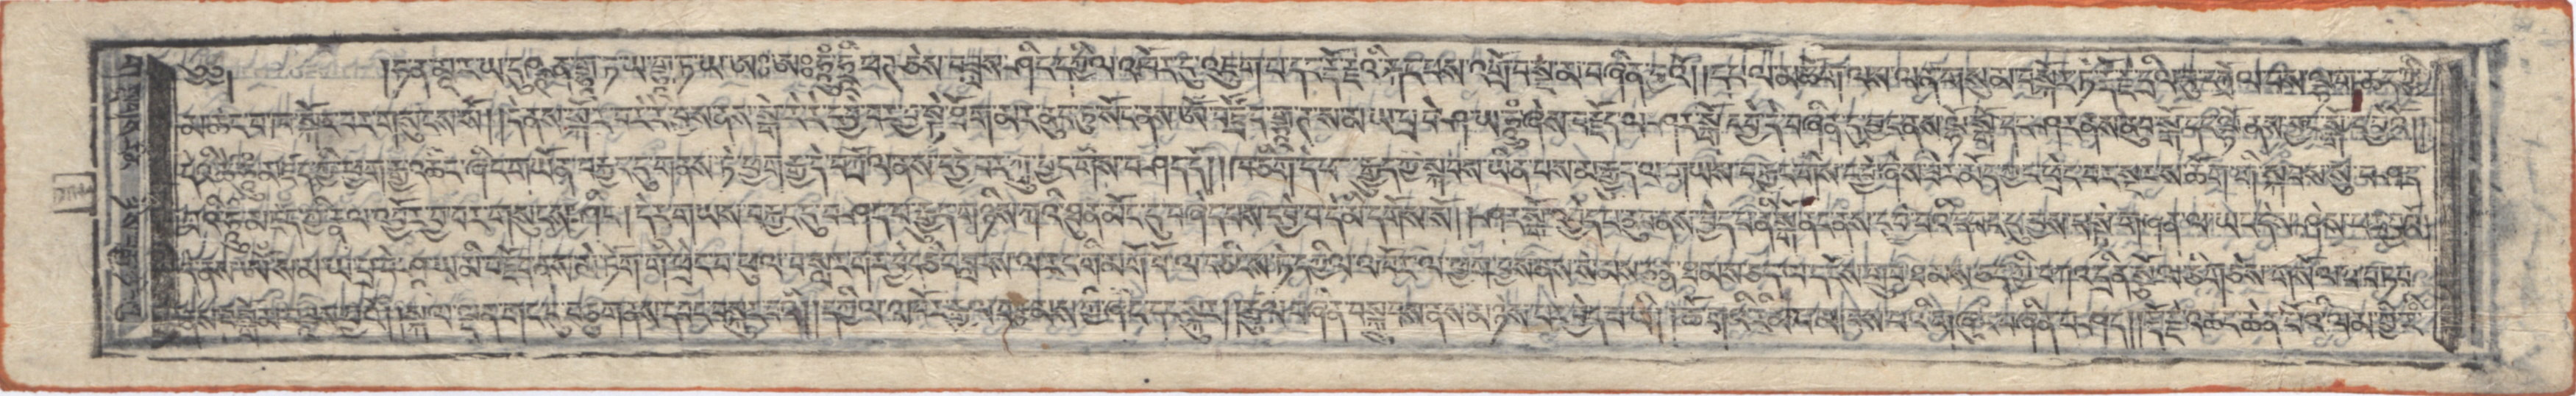༄༅། །ཧ་ན་མཱ་ར་ཡ་དུཥྚ་ན་གྷཱ་ཏ་ཡ་གྷཱ་ཏ་ཡ་ཨཿ ཨཿ ཧཱུཾ་ཧྲཱི་ཕཊ་ཅེས་བཟླས་ཤིང་དཀྱིལ་འཁོར་དུ་འཇུག་པ་དང་རྡོ་རྗེའི་རྐང་པས་འགྲོ་བ་སྔ་མ་བཞིན་བྱའོ། །དཔལ་མཆོག་ལས་ལན་གསུམ་བསྐོར་ཏེ་རྡོ་རྗེ་དྲིལ་བུ་དཀྲོལ་བས་ལྷག་ཆད་ཀྱི་
མ་ཚང་བ་ཁ་སྐོང་བར་གསུངས་སོ། །དེ་ནས་སྐོར་བ་རེ་རེ་བྱས་ནས་སྒོ་རེ་རེ་དབྱེ་བར་བྱ་སྟེ་ཐོག་མར་ནུབ་ཏུ་སོང་ནས་ཨོཾ་བོ་ཛྲད་གྷཱ་ཊ་ས་མ་ཡ་པྲ་བེ་ཤ་ཡ་ཧཱུཾ་ཞེས་བརྗོད་ལ་ཤར་སྒོ་དབྱེ་དེ་བཞིན་དུ་བྱང་ནས་ལྷོ་སྒོ་དང་ཤར་ནས་ནུབ་སྒོ་དང་ལྷོ་ནས་བྱང་སྒོ་ང་བྱེའོ།།
དེའི་ཚེ་ཧཱུཾ་མཛད་ཀྱི་ཕྱག་རྒྱ་འཆིང་ཞིང་གཡོན་བརྐྱང་དུ་གནས་ཏེ་ཕྱག་རྒྱ་དེ་བཀྲོལ་ནས་དབྱེ་བར་ཀླུ་བྱང་གིས་བཤད་དོ། །ཁ་ཅིག་དེ་ཕ་རྒྱུད་ཀྱི་སྐབས་ཡིན་པས་མ་རྒྱུད་ལ་གཡས་བརྐྱང་གིས་དབྱེ་ཞེས་ཟེར་མོད་ཀྱང་ཕྲེང་བར་སྔར་ས་ཆོག་གི་སྐབས་སུ་བཤད་
པའི་ཧཱུཾ་མཛད་ཀྱི་རྣལ་འབྱོར་བྱ་བར་གསུངས་ཤིང་། དེར་གཡས་བརྐྱང་དུ་བཤད་པ་རྒྱུད་གཉིས་ཀའི་ཐུན་མོང་དུ་བཞེད་པས་དབྱེ་བ་དེ་མི་དགོས་སོ། །ཤར་སྒོ་འབྱེད་པ་ནུབ་ནས་བྱེད་པ་ནི་སྒོ་ནང་ནས་དབྱེ་བའི་དབང་དུ་བྱས་པ་སྟེ་གཞན་ལ་ཡང་དེས་ཤེས་པར་བྱའོ།།
དེ་ནས་ཨོཾ་ས་མ་ཡ་པྲ་བེ་ཤཱ་ཡ་མི་བརྗོད་ནས་མེ་ཏོག་གི་ཕྲེང་བ་ཕུལ་བ་སླར་གར་བྱེད་ཅིང་བླངས་ལ་རང་གི་མགོ་བོ་ལ་བཅིངས་ཏེ་དཀྱིལ་འཁོར་ལ་ཕྱག་བྱས་ནས་སེམས་ཅན་ཐམས་ཅད་ལ་དངོས་གྲུབ་ཐམས་ཅད་ཀྱི་བཀའ་དྲིན་སྩོལ་ཅིག་ཅེས་གསོལ་བ་བཏབ་
ནས་བསྒོམ་བཟླས་བྱའོ། །སྐལ་ལྡན་གང་དུ་བཅུ་གནས་དབང་བསྐུར་བའི། །དཀྱིལ་འཁོར་རྒྱལ་བ་རྣམས་ཀྱི་ཞིང་དང་སྐུར། །ཚུལ་བཞིན་བསྐྲུབས་ནས་མཉེས་པར་བྱེད་པ་ཡི། །ཆོ་གའི་རིམ་པ་མཁས་པའི་གཞུང་བཞིན་བཤད། །རྡོ་རྗེ་འཆང་ཆེན་པོའི་ལམ་གྱི་རིམ་